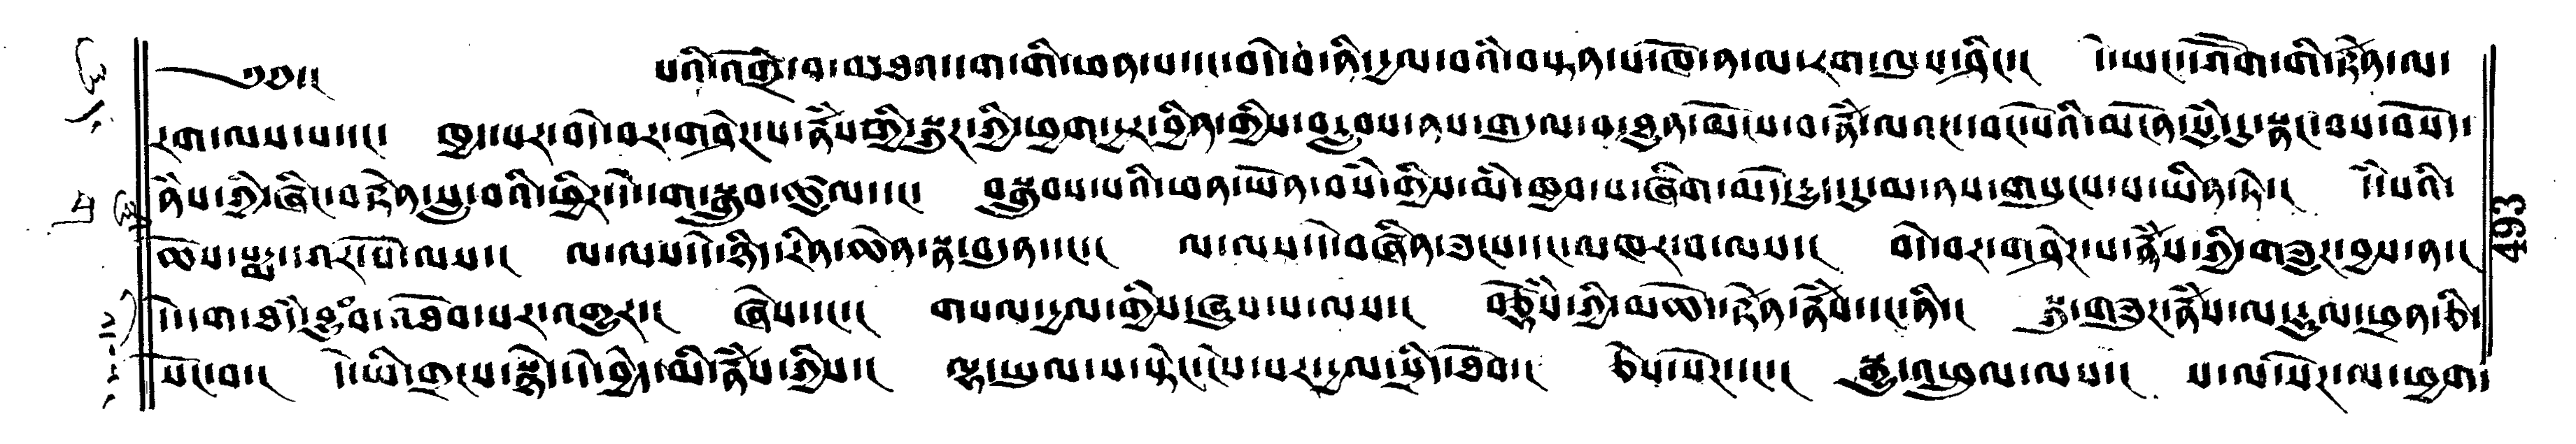པའི་འགྲོ་བ་མཐའ་དག་གི་ཕན་པ་དང་བདེ་བ་ནི་རྒྱལ་བའི་བསྟན་པ་ཁོ་ན་ལ་རག་ལས་ཤིང་། དེ་ཡང་དཀོན་མཆོག་གི་རྟེན་ལ་
རག་ལས་པ་དང་། ཁྱད་པར་བདེ་བར་གཤེགས་པ་རྣམས་ཀྱི་སྐུ་གསུང་ཐུགས་ཀྱི་ཕྱག་རྒྱར་བྱིན་གྱིས་བརླབས་ནས་གདུལ་བྱ་ཐུན་མོང་བ་རྣམས་ལའང་དབང་པོའི་མངོན་སུམ་དུ་སྣང་བས་བསོད་
ནམས་ཀྱི་ཞིང་བརྟེན་སླ་བའི་ཕྱིར་དེ་དག་སྒྲུབ་ཚུལ་དང་། བསྒྲུབས་པའི་ཕན་ཡོན་བསམ་གྱིས་མི་ཁྱབ་པ་ཞིག་མདོ་རྒྱུད་དུ་མ་ནས་གསུངས་པ་ཡིན་ཏེ། དམ་པའི་
ཆོས་པདྨ་དཀར་པོ་ལས། ལ་ལས་དེ་ཉིད་རིན་ཆེན་སྣ་བདུན་དང་། །ལ་ལས་དེ་བཞིན་ཟངས་དང་མཁར་བ་ལས། །བདེ་བར་གཤེགས་པ་རྣམས་ཀྱི་གཟུགས་བྱས་ན། །
དེ་དག་ཐམས་ཅད་བྱང་ཆུབ་འཐོབ་པར་འགྱུར། ཞེས་དང་། གསལ་རྒྱལ་གྱིས་ཞུས་པ་ལས། བཅོམ་ལྡན་འདས་ཀྱི་མཆོད་རྟེན་རྣམས་དང་ནི། །སྐུ་གཟུགས་རྣམས་ལ་རྡུལ་ཕྲན་ཅི་
སོང་བ། །དེ་ཡི་གྲངས་སྙེད་དེ་བྱེད་མི་རྣམས་ཀྱིས། །ལྷ་ཡུལ་ས་སྟེང་ངེས་པར་རྒྱལ་སྲིད་ཐོབ། ཅེས་སོགས་དང་། སྒྱུ་འཕྲུལ་ལས། ས་ལ་སོགས་ལ་ཕྱག་